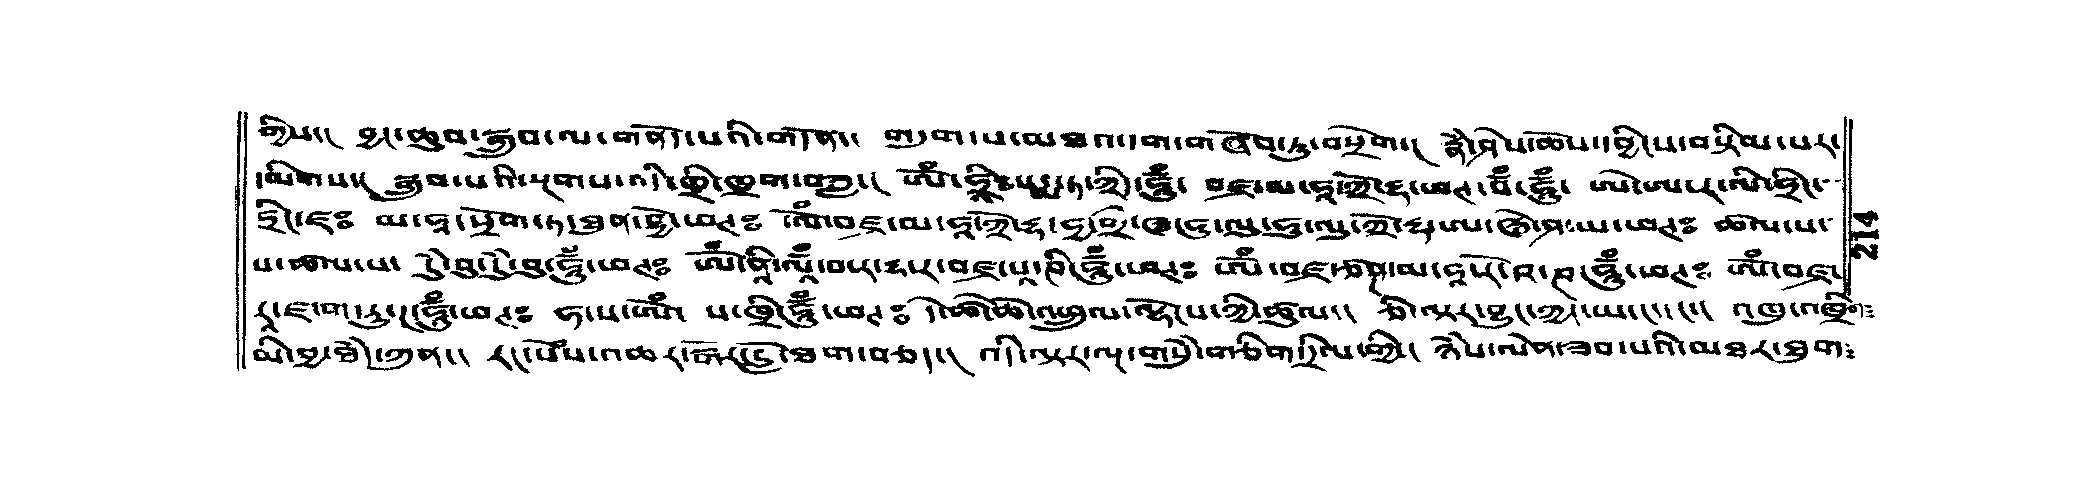གྱིས། བྱང་ཆུབ་སྒྲུབ་ལ་གནོད་པའི་གདོན། གདུག་པ་མཐའ་དག་གཞོབ་ཏུ་བསྲེག རྣམ་ཤེས་ཆོས་དབྱིངས་བསྟིམ་པར་
དམིགས། སྒྲུབ་པའི་སྔགས་འདི་ཁྲི་ཁྲག་བཟླ། ཨོཾ་ཧྲཱིཿཔདྨ་ཏ་ཀྲིད་ཧཱུྃ། བཛྲ་མ་ཧཱ་ཀྲོ་དྷ་ཕཊ་བྃ་ཧཱུྃ། ཨེ་ཨ་ར་ལི་ཧྲིང་
ཧྲིང་ཛཿ མ་ཧཱ་སྲོག་ཏ་ཐུན་བྷྱོ་ཕཊཿ ཨོཾ་བཛྲ་མ་ཧཱ་ཀྲོ་ཧྱ་བདྲྀ་ཝ་ཧུ་ལུ་ཧུ་ལུ་ཀྲོ་དྷ་ཨ་ཝེ་ཤ་ཡ་ཕཊཿ ཚལ་པ་
ཚལ་པ། དུམ་བུ་དུམ་བུ་ཧཱུྃ་ཕཊཿ ཨོཾ་ནཱི་ལཱྃ་བ་ར་དྷ་ར་བཛྲ་པཱ་ཎི་ཧཱུྃ་ཕཊཿ ཨོཾ་བཛྲ་ཙནྡྲ་མ་ཧཱ་རོ་ར་ཎ་ཧཱུྃ་ཕཊཿ ཨོཾ་བཛྲ་
རཱ་ཛ་ང་རུ་ཌ་ཧཱུྃ་ཕཊཿ ཧ་ས་ཨོཾ། ས་ཁྲི་ཧཱུྃ་ཕཊཿ དེ་ཚེ་ཆོ་འཕྲུལ་ལྷོངས་ཀྱི་ཚུལ། ཅི་ལྟར་བྱུང་ཀྱང་ཡ་ང་དང་། འཁུང་འཁྲིག་
མི་བྱ་ཐམས་ཅད་ཀུན། རང་སེམས་འཆར་སྒོར་རློ་ཐག་བཅད། འདི་ལྟར་ལྔ་གསུམ་གཅིག་དྲིལ་གྱི། ཉམས་ལེན་ཟབ་པའི་མཐར་ཐུག་